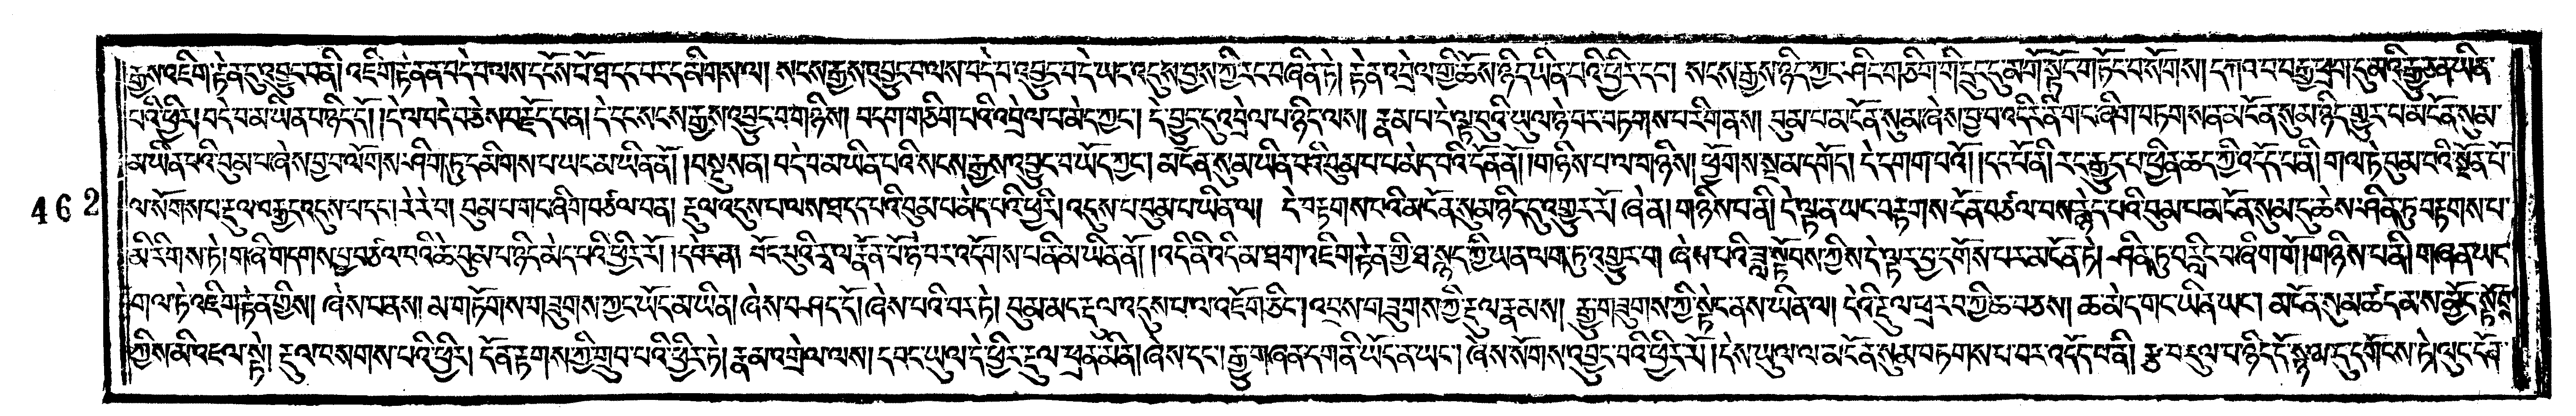རྒྱས་འཇིག་རྟེན་དུ་འབྱུང་བ་ནི། འཇིག་རྟེན་ན་བདེ་བ་ལས་དངོས་པོ་ཐ་དད་པར་དམིགས་ལ། སངས་རྒྱས་འབྱུང་བ་ལས་བདེ་བ་འབྱུང་བ་དེ་ཡང་འདུས་བྱས་ཀྱི་རང་བཞིན་ཏེ། རྟེན་འབྲེལ་གྱི་ཆོས་ཉིད་ཡིན་པའི་ཕྱིར་དང་། སངས་རྒྱས་ཉིད་ཀྱང་ཤིང་གཅིག་གི་དྲུང་དུ་མགོ་སྟོང་གཏོང་བ་སོགས། དཀའ་བ་བརྒྱ་ཕྲག་དུ་མའི་རྒྱུ་ཅན་ཡིན་
པའི་ཕྱིར། བདེ་བ་མ་ཡིན་པ་ཉིད་དོ། །དེ་ལ་བདེ་བ་ཅེས་བརྗོད་པ་ན། དེ་དང་སངས་རྒྱས་འབྱུང་བ་གཉིས། བདག་གཅིག་པའི་འབྲེལ་པ་མེད་ཀྱང་། དེ་བྱུང་དུ་འབྲེལ་པ་ཉིད་ལས། རྣམ་པ་དེ་ལྟ་བུའི་ཡུལ་ཉེ་བར་བཏགས་པ་རིག་ནས། བུམ་པ་མངོན་སུམ་ཞེས་བྱ་བ་འདིར་ནི་གང་ཞིག་བཏགས་ན་མངོན་སུམ་ཉིད་གྱུར་པ་མངོན་སུམ་
མ་ཡིན་པའི་བུམ་པ་ཞེས་བྱ་བ་ལོགས་ཤིག་ཏུ་དམིགས་པ་ཡང་མ་ཡིན་ནོ། །བསྡུས་ན། བདེ་བ་མ་ཡིན་པའི་སངས་རྒྱས་འབྱུང་བ་ཡོད་ཀྱང་། མངོན་སུམ་ཡིན་པའི་བུམ་པ་པ་མེད་བའི་དོན་ནོ། །གཉིས་པ་ལ་གཉིས། ཕྱོགས་སྔ་མ་དགོད། དེ་དགག་བའོ། །དང་པོ་ནི། རང་རྒྱུད་པ་ཕྱིན་ཆད་ཀྱི་འདོད་པ་ནི། གལ་ཏེ་བུམ་བའི་སྔོན་པོ་
ལ་སོགས་པ་རྡུལ་བརྒྱད་འདུས་པ་དང་། རེ་རེ་བ། བུམ་པ་གང་ཞིག་བཙལ་བ་ན། རྡུལ་འདུས་པ་ལས་ཐ་དད་པའི་བུམ་བ་མེད་པའི་ཕྱིར། འདུས་པ་བུམ་པ་ཡིན་ལ། དེ་བརྟགས་པའི་མངོན་སུམ་ཉིད་དུ་འགྱུར་རོ། ཞེ་ན། གཉིས་པ་ནི། དེ་ལྟ་ན་ཡང་བརྟགས་དོན་བཙལ་བས་རྙེད་པའི་བུམ་པ་མངོན་སུམ་དུ་ཆེས་ཤིན་ཏུ་བརྟགས་པ་
མི་རིགས་ཏེ། གཞི་གདགས་བྱ་བཙལ་བའི་ཆེ་བུམ་པ་ཉིད་མེད་པའི་ཕྱིར་རོ། །དཔེར་ན། བོང་བུའི་རྭ་ལ་རྣོན་པོ་ཉེ་བར་འདོགས་པ་ནི་མ་ཡིན་ནོ། །འདི་ནི་འདི་མ་ཐག་འཇིག་རྟེན་གྱི་ཐ་སྙད་ཀྱི་ཡན་ལག་ཏུ་འགྱུར་བ། ཞེས་པའི་ཟླ་སྟོབས་ཀྱིས་དེ་ལྟར་བྱ་དགོས་པར་མངོན་ཏེ། ཤིན་ཏུ་བརླིང་བ་ཞིག་གོ །གཉིས་པ་ནི། གཞན་ཡང་
གལ་ཏེ་འཇིག་རྟེན་གྱིས། ཞེས་པ་ནས། མ་གཏོགས་གཟུགས་ཀྱང་ཡོད་མ་ཡིན། ཞེས་བཤད་དོ། ཞེས་པའི་བར་ཏེ། བུམ་མང་རྡུལ་འདུས་པ་ལ་འཇོག་ཅིང་། འབྲས་གཟུགས་ཀྱི་རྡུལ་རྣམས། རྒྱུ་གཟུགས་ཀྱི་སྟེང་ནས་ཡིན་ལ། དེའི་རྡུལ་ཕྲ་རབ་ཀྱི་ཆ་བཅས། ཆ་མེད་གང་ཡིན་ཡང་། མངོན་སུམ་ཚད་མས་མྱོང་སྟོབས་
ཀྱིས་མི་འཇལ་སྟེ། རྡུལ་བསགས་པའི་ཕྱིར། དོན་རྟགས་ཀྱི་གྲུབ་པའི་ཕྱིར་ཏེ། རྣམ་འགྲེལ་ལས། དབང་ཡུལ་དེ་ཕྱིར་རྡུལ་ཕྲན་མིན། ཞེས་དང་། རྒྱུ་གཞན་དག་ནི་ཡོད་ན་ཡང་། ཞེས་སོགས་འབྱུང་བའི་ཕྱིར་རོ། །དེས་ཡུལ་ལ་མངོན་སུམ་བཏགས་པ་བར་འདོད་པ་ནི། རྩ་བ་དུལ་པ་ཉིད་དོ་སྙམ་དུ་དགོངས་ཏེ། ལུང་དོན་